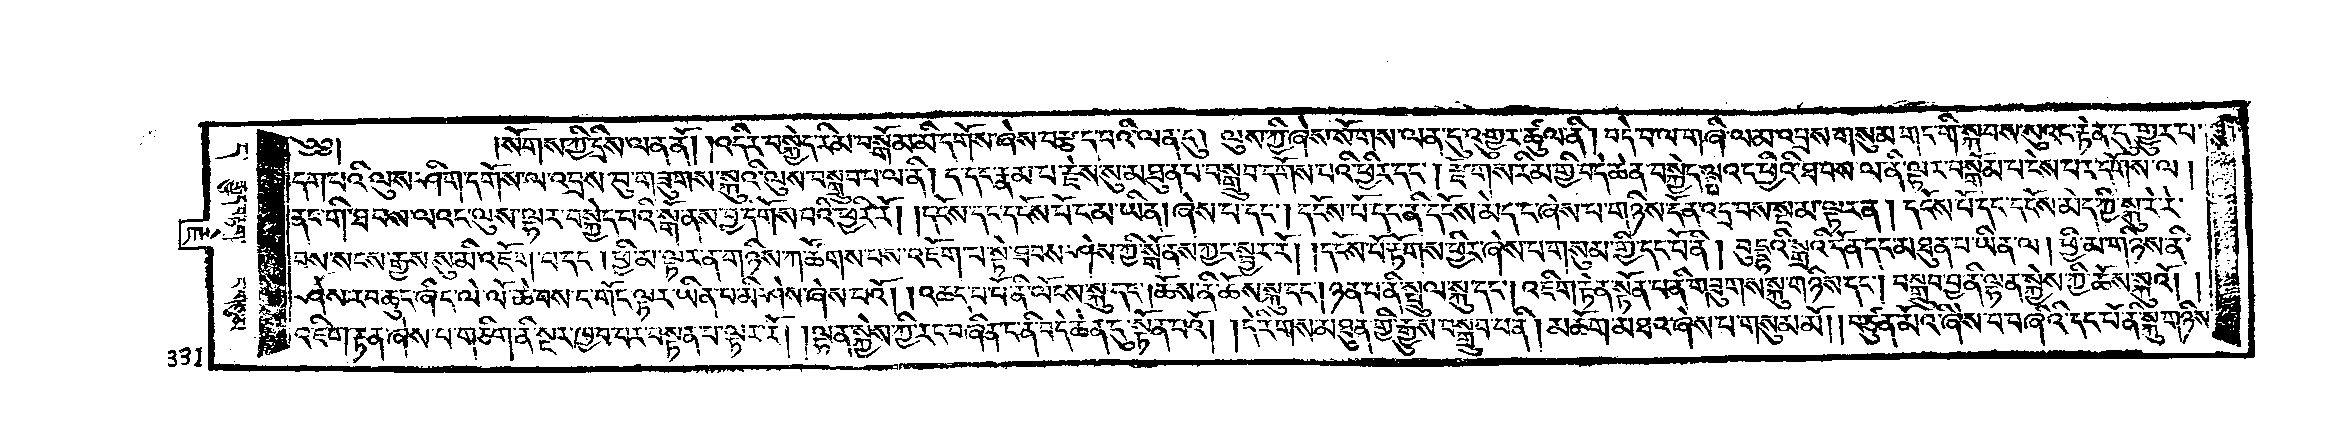༄༅། །སོགས་ཀྱི་དྲིས་ལན་ནོ། །འདིར་བསྐྱེད་རིམ་བསྒོམ་མི་དགོས་ཞེས་བརྩད་པའི་ལན་དུ། ལུས་ཀྱི་ཞེས་སོགས་ལན་དུ་འགྱུར་ཚུལ་ནི། བདེ་བ་ལ་གཞི་ལམ་འབྲས་གསུམ་གང་གི་སྐབས་སུའང་རྟེན་དུ་གྱུར་པ་
དག་པའི་ལུས་ཤིག་དགོས་ལ་འབྲས་བུ་གཟུགས་སྐུའི་ལུས་བསྒྲུབ་པ་ལ་ནི། ད་དང་རྣམ་པ་རྗེས་སུ་མཐུན་པ་བསྒྲུབ་དགོས་པའི་ཕྱིར་དང་། རྫོགས་རིམ་གྱི་བདེ་ཆེན་བསྐྱེད་པ་ལའང་ཕྱིའི་ཐབས་ལ་ནི་ལྷར་བསྒོམ་པ་ངེས་པར་དགོས་ལ།
ནང་གི་ཐབས་ལའང་ལུས་ལྷར་བསྐྱེད་པའི་སྒོ་ནས་བྱ་དགོས་པའི་ཕྱིར་རོ། །དངོས་དང་དངོས་པོ་ང་མ་ཡིན། ཞེས་པ་དང་། དངོས་པོ་དང་ནི་དངོས་མེད་ང་ཞེས་པ་གཉིས་དོན་འདྲ་བས་སྔ་མ་ལྟར་ན། དངོས་པོ་དང་དངོས་མེད་ཀྱི་སྐུ་རེ་རེ་
བས་སངས་རྒྱས་སུ་མི་འཇོག་པ་དང་། ཕྱི་མ་ལྟར་ན་གཉིས་ཀ་ཚོགས་པས་འཇོག་པ་སྟེ་ཐབས་ཤེས་ཀྱི་སྒོ་ནས་ཀྱང་སྦྱར་རོ། །དངོས་པོ་རྟོགས་ཕྱིར་ཞེས་པ་གསུམ་གྱི་དང་པོ་ནི། བུདྡྷའི་སྒྲའི་དོན་དང་མཐུན་པ་ཡིན་ལ། ཕྱི་མ་གཉིས་ནི་
ཤེས་རབ་ཆུང་ཞིང་ལེ་ལོ་ཆེ་བས་ང་གོང་ལྟར་ཡིན་པ་མི་ཤེས་ཞེས་པའོ། །འཆད་པ་པོ་ནི་ལོངས་སྐུ་དང་། ཆོས་ནི་ཆོས་སྐུ་དང་། ཉན་པ་ནི་སྤྲུལ་སྐུ་དང་། འཇིག་རྟེན་སྟོན་པ་ནི་གཟུགས་སྐུ་གཉིས་དང་། བསྒྲུབ་བྱ་ནི་ལྷན་སྐྱེས་ཀྱི་ཆོས་སྐུའོ། །
འཇིག་རྟན་ཞེས་པ་གཅིག་ནི་སྔར་ཁྱབ་པར་བསྟན་པ་ལྟར་རོ། །ལྷན་སྐྱེས་ཀྱི་རང་བཞིན་ང་ནི་བདེ་ཆེན་དུ་སྟོན་པའོ། །དེ་རིགས་མཐུན་གྱི་རྒྱུས་བསྒྲུབ་པ་ནི། མཆོག་མཐའ་ཞེས་པ་གསུམ་མོ། །བཙུན་མོའི་ཞེས་པ་བཞིའི་དང་པོ་ནི་སྐུ་གཉིས་